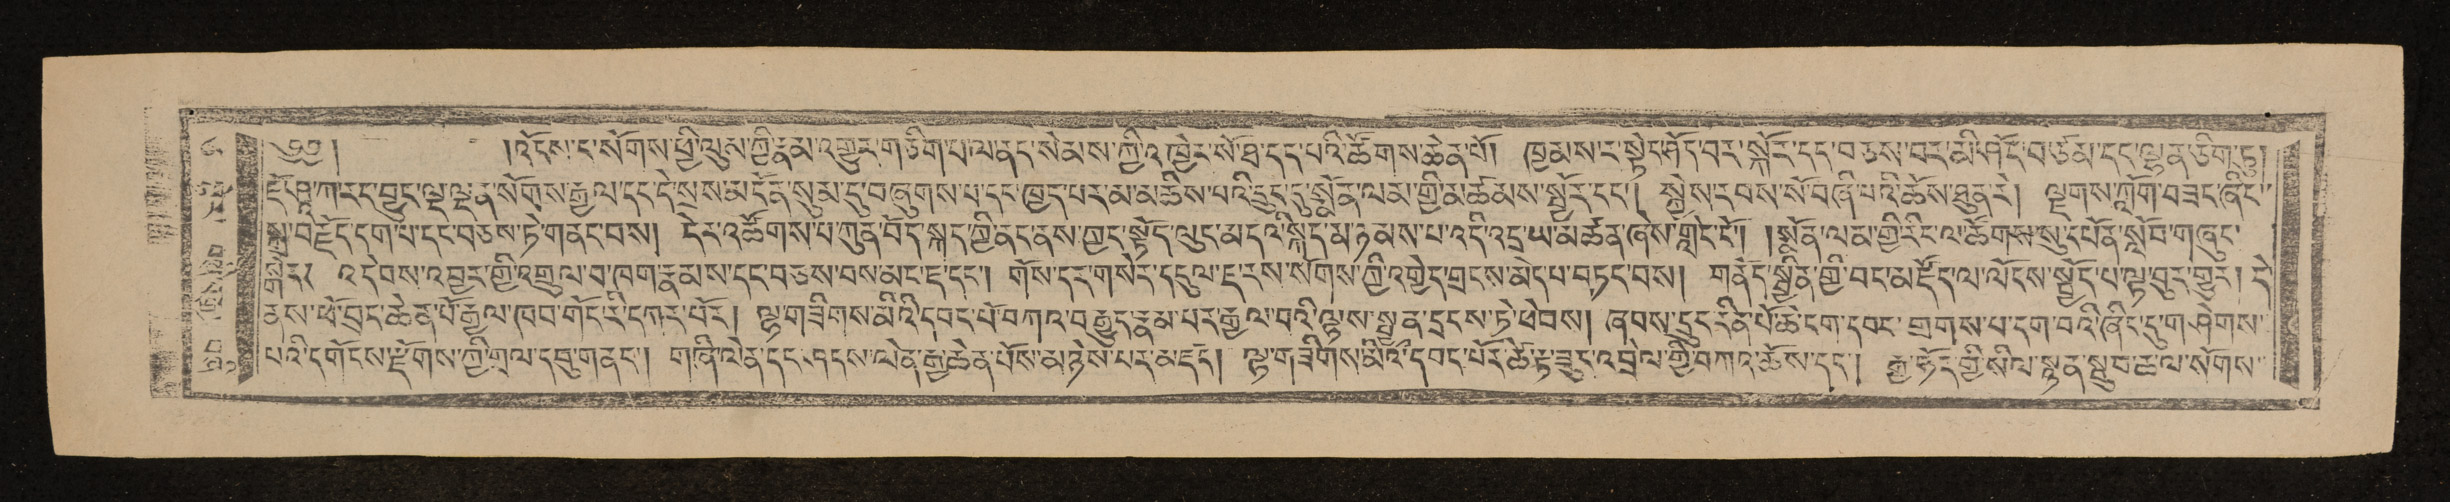༄༅། །འོངས་བ་སོགས་ཕྱི་ལུས་ཀྱི་རྣམ་འགྱུར་གཅིག་པ་ལ་ནང་སེམས་ཀྱི་འཁྱེར་སོ་ཐ་དད་བའི་ཚོགས་ཆེན་པོ། ཁྱམས་ར་སྟེང་ཤོང་བར་སྐོར་དང་བཅས་པར་མི་ཤོང་བ་ཙམ་དང་ལྷན་ཅིག་ཏུ།
ཇོ་ཤཱཀ་རང་བྱུང་ལྔ་ལྡན་སོགས་རྒྱལ་དང་དེ་སྒྲས་མངོན་སུམ་དུ་བཞུགས་པ་དང་ཁྱད་པར་མ་མཆིས་པའི་དྲུང་དུ་སྨོན་ལམ་གྱི་མཚམས་སྦྱོར་དང་། སྐྱེས་རབས་སོ་བཞི་བའི་ཆོས་ཐུན་རེ། ལྗགས་ཀློག་བཟང་ཞིང་
སྒྲ་བརྗོད་དག་པ་དང་བཅས་ཏེ་གནང་བས། དེར་འཚོགས་བ་ཀུན་བོད་སྐད་ཀྱི་ནང་ནས་ཀྱང་སྟོད་ལུང་མདའི་སྐད་མ་ཉམས་པ་འདི་འདྲ་ཡ་མཚན་ཞེས་གླེང་ངོ། །སྨོན་ལམ་གྱི་རིང་ལ་ཚོགས་སུ་དཔོན་སློབ་གཞུང་
སྒེར༑ འདེབས་འབྱར་གྱི་འགྲུལ་པ་ཁག་རྣམས་དང་བཅས་པས་མང་ཇ་དང་། གོས་དར་གསེར་དངུལ་ཇ་རས་སོགས་ཀྱི་འགྱེང་གྲངས་མེད་པ་བཏང་བས། གནོད་སྦྱིན་གྱི་བང་མཛོད་ལ་ལོངས་སྤྱོད་པ་ལྟ་བུར་གྱུར། དེ་
ནས་ཕོ་བྲང་ཆེན་པོ་རྒྱལ་ཁབ་གོང་རི་དཀར་བོར། ལྷ་གཟིགས་མིའི་དབང་པོ་བཀའ་བརྒྱུད་རྣམ་པར་རྒྱལ་བའི་ལྷས་སྤྱན་དྲངས་ཏེ་ཕེབས། ཞབས་དྲུང་རིན་པོ་ཆེ་ངག་དབང་གྲགས་པ་དག་བའི་ཞིང་དུ་གཤེགས་
བའི་དགོངས་རྫོགས་ཀྱི་གྲལ་དབུ་གནང་། གཞི་ལེན་དང་ཤངས་ལེན་རྒྱ་ཆེན་པོས་མཉེས་པར་མཛད། ལྷ་གཟིགས་མིའི་དབང་པོར་ཚེ་རྟ་ཟུང་འབྲེལ་གྱི་བཀའ་ཆོས་དང་། རྒྱ་ཧོར་གྱི་སིལ་སྙན་སྦུབ་ཆལ་སོགས་